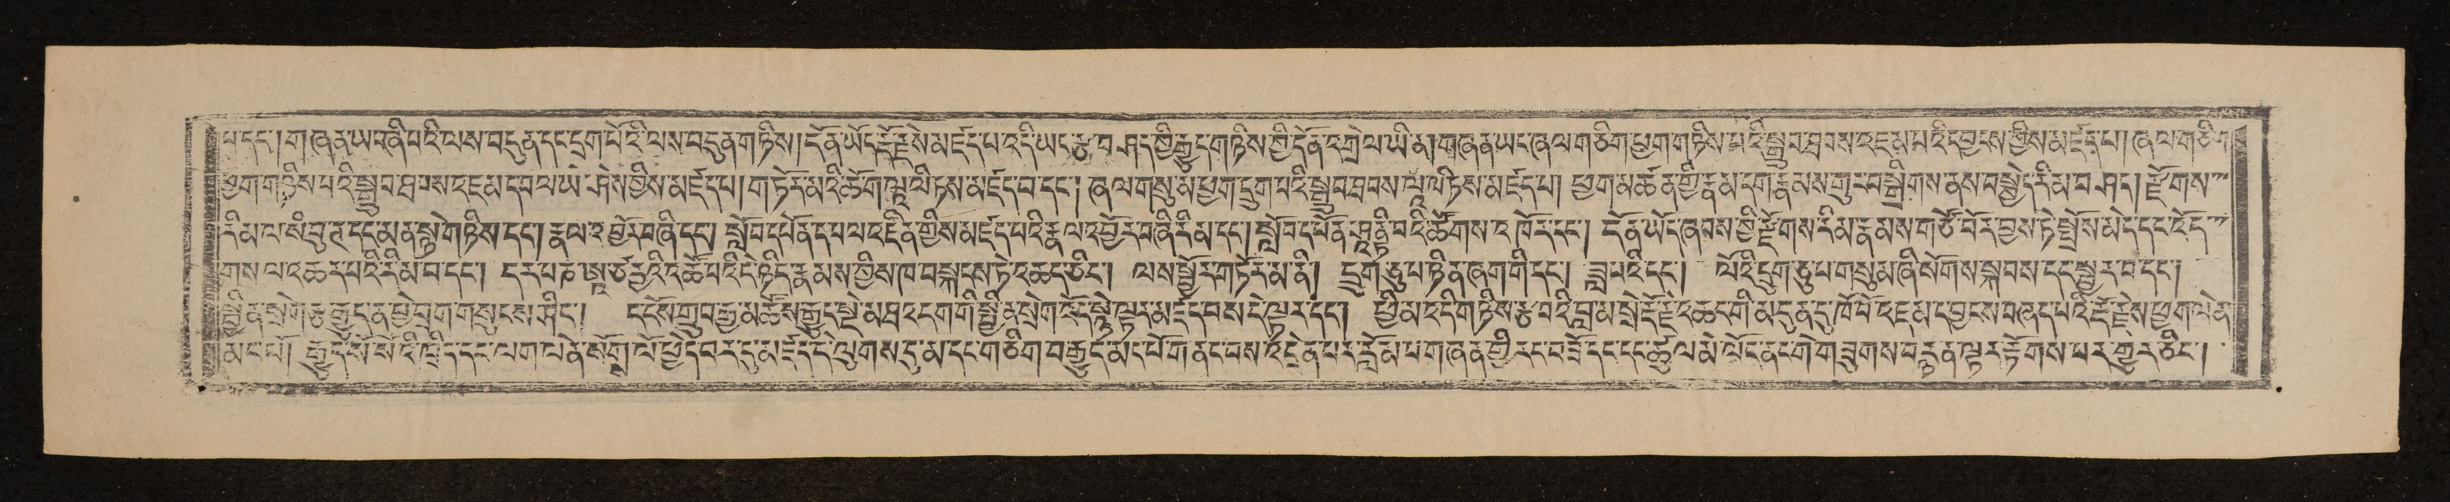པ་དང་། གཞན་ཡང་ཞི་བའི་ལས་བདུན་དང་དྲག་པོའི་ལས་བདུན་གཉིས། དོན་ཡོད་རྡོ་རྗེས་མཛད་པ་འདི་ཡང་རྩ་བཤད་ཀྱི་རྒྱུད་གཉིས་ཀྱི་དོན་འགྲེལ་ཡིན། གཞན་ཡང་ཞལ་གཅིག་ཕྱག་གཉིས་པའི་སྒྲུབ་ཐབས་འཇམ་པའི་དབྱངས་ཀྱིས་མཛད་པ། ཞལ་གཅིག་
ཕྱག་གཉིས་བའི་སྒྲུབ་ཐབས་འཇམ་དཔལ་ཡེ་ཤེས་ཀྱིས་མཛད་པ། གཏོར་མའི་ཆོ་ག་ལཱ་ལི་ཏས་མཛད་པ་དང་། ཞལ་གསུམ་ཕྱག་དྲུག་པའི་སྒྲུབ་ཐབས་ལཱ་ལི་ཏས་མཛད་པ། ཕྱག་མཚན་གྱི་རྣམ་དག་རྣམས་གུང་བསྒྲིགས་ནས་བསྐྱེད་རིམ་བཤད། རྫོགས་
རིམ་ལ་སཾ་བུ་ཊ་དང་མན་སྙེ་གཉིས་དང་། རྣལ་འབྱོར་བཞི་དང་། སློབ་དཔོན་དཔལ་འཛིན་གྱིས་མཛད་པའི་རྣལ་འབྱོར་བཞི་རིམ་དང་། སློབ་དཔོན་ཤཱནྟི་བའི་ཚོགས་འཁོར་དང་། དོན་ཡོད་ཞབས་ཀྱི་རྫོགས་རིམ་རྣམས་གཙོ་བོར་བྱས་ཏེ་སྤྲོས་མེད་དང་འོད་
གསལ་འཆར་བའི་རིམ་པ་དང་། དར་པཎ་ཨཱ་ཙརྱའི་འཚོ་བའི་དེ་ཉིད་རྣམས་ཀྱིས་ཁ་བསྐངས་ཏེ་འཆད་ཅིང་། ལས་སྦྱོར་གཏོར་མ་ནི། དྲུག་ཅུ་པ་ཉིན་ཞག་གི་དང་། ཟླ་བའི་དང་། ལོའི་དྲུག་ཅུ་པ་གསུམ་ཞི་སོགས་སྐབས་དང་སྦྱར་བ་དང་།
སྦྱིན་སྲེག་རྩ་རྒྱུད་ན་བྱེ་བྲག་གསུངས་ཤིང་། དངོས་གྲུབ་རྒྱ་མཚོས་རྒྱུད་སྡེ་མཐའ་དག་གི་སྦྱིན་སྲེག་འོད་སྙེ་ལྟར་མཛད་པས་དེ་ལྟར་དང་། ཕྱི་མ་འདི་གཉིས་རྩ་བའི་བླ་མ་སྲེ་རྡོ་རྗེ་འཆང་གི་མདུན་དུ་ཁོ་བོ་འཇམ་དབྱངས་བཞད་པའི་རྡོ་རྗེས་ཕྱག་ལེན་
མང་བོ། རྒྱུད་སོ་སོའི་ཁྲིད་དང་ལག་ལེན་སོགས་ལོ་ཕྱེད་བར་དུ་མཛད་དེ་ལུགས་དུ་མ་དང་གཅིག་བརྒྱུད་མང་པོ་གནང་བས་འདྲེན་པར་རློམ་པ་གཞན་གྱི་རང་བཟོ་དང་དང་ཚུལ་མེ་ལོང་ནང་གི་གཟུགས་བརྙན་ལྟར་རྟོགས་པར་གྱུར་ཅིང་།